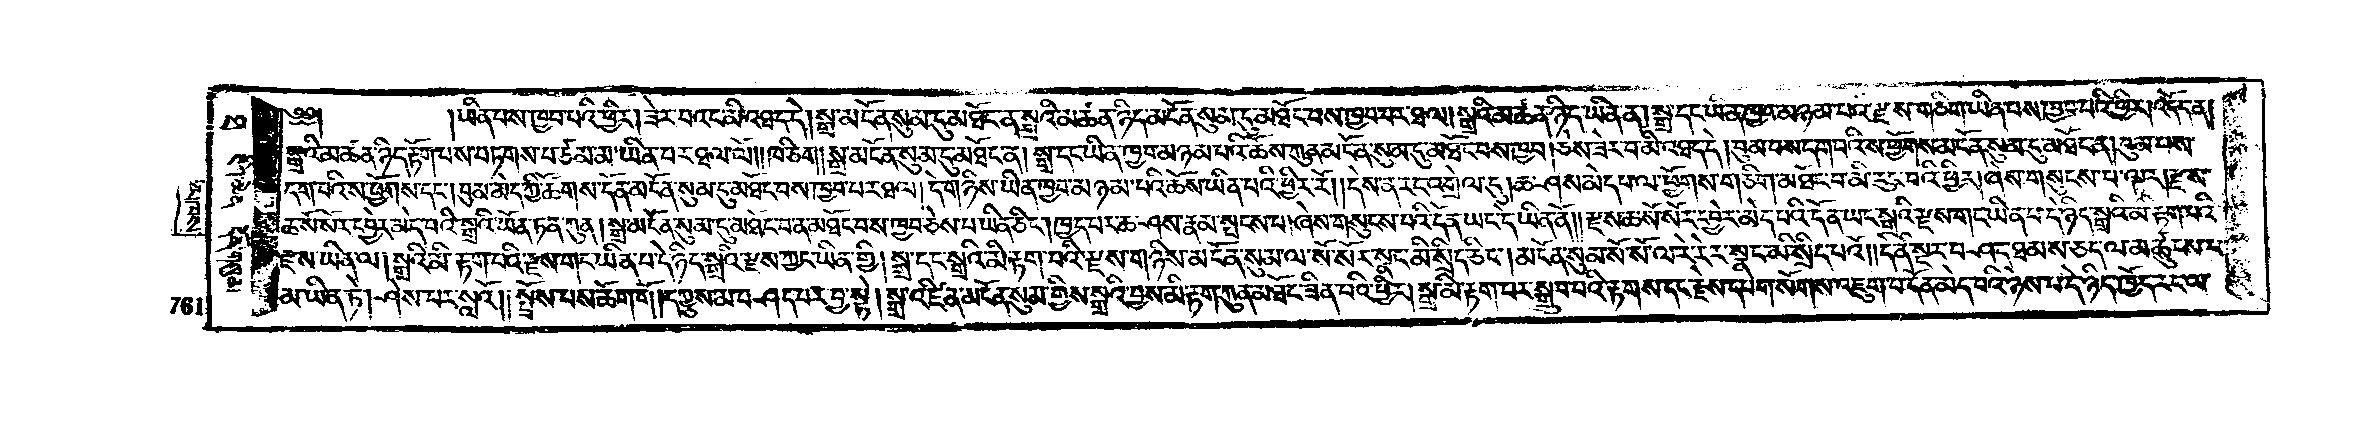༄༅། །ཡིན་པས་ཁྱབ་པའི་ཕྱིར། ཟེར་བའང་མི་འཐད་དེ། སྒྲ་མངོན་སུམ་དུ་མཐོང་ན་སྒྲའི་མཚན་ཉིད་མངོན་སུམ་དུ་མཐོང་བས་ཁྱབ་པར་ཐལ། སྒྲའི་མཚན་ཉིད་ཡིན་ན། སྒྲ་དང་ཡིན་ཁྱབ་མཉམ་པའི་རྫས་གཅིག་ཡིན་པས་ཁྱབ་པའི་ཕྱིར། འདོད་ན།
སྒྲའི་མཚན་ཉིད་རྟོག་པས་བཏགས་པ་ཙམ་མ་ཡིན་པར་ཐལ་ལོ། །ཁ་ཅིག །སྒྲ་མངོན་སུམ་དུ་མཐོང་ན། སྒྲ་དང་ཡིན་ཁྱབ་མཉམ་པའི་ཆོས་ཀུན་མངོན་སུམ་དུ་མཐོང་བས་ཁྱབ། ཅེས་ཟེར་བ་མི་འཐད་དེ། བུམ་པས་དག་པའི་ས་ཕྱོགས་མངོན་སུམ་དུ་མཐོང་ན། བུམ་པས་
དག་པའི་ས་ཕྱོགས་དང་། བུམ་མེད་ཀྱི་ཚོགས་དོན་མངོན་སུམ་དུ་མཐོང་བས་ཁྱབ་པར་ཐལ། དེ་གཉིས་ཡིན་ཁྱབ་མཉམ་པའི་ཆོས་ཡིན་པའི་ཕྱིར་རོ། །དེས་ན་རང་འགྲེལ་དུ། ཆ་ཤས་མེད་པ་ལ་ཕྱོགས་གཅིག་མཐོང་བ་མི་རུང་བའི་ཕྱིར། ཞེས་གསུངས་པ་ལྟར། རྫས་
ཆ་སོ་སོར་དབྱེར་མེད་པའི་སྒྲའི་ཡོན་ཏན་ཀུན། སྒྲ་མངོན་སུམ་དུ་མཐོང་བ་ན་མཐོང་བས་ཁྱབ་ཅེས་པ་ཡིན་ཅིང་། ཁྱད་པར་ཆ་ཤས་རྣམ་སྤངས་པ། ཞེས་གསུངས་པའི་དོན་ཡང་དེ་ཡིན་ནོ། །རྫས་ཆ་སོ་སོར་དབྱེར་མེད་པའི་དོན་ཡང་སྒྲའི་རྫས་གང་ཡིན་པ་དེ་ཉིད་སྒྲའི་མི་རྟག་པའི་
རྫས་ཡིན་ལ། སྒྲའི་མི་རྟག་པའི་རྫས་གང་ཡིན་པ་དེ་ཉིད་སྒྲའི་རྫས་ཀྱང་ཡིན་གྱི། སྒྲ་དང་སྒྲའི་མི་རྟག་པའི་རྫས་གཉིས་མངོན་སུམ་ལ་སོ་སོར་སྣང་མི་སྲིད་ཅིང་། མངོན་སུམ་སོ་སོ་ལ་རེ་རེར་སྣང་མི་སྲིད་པའོ། །དེ་ནི་སྔར་བཤད་ཐམས་ཅད་ལ་མཚུངས་པ་
མ་ཡིན་ཏེ། ཤེས་པར་སླའོ། །སྤྲོས་པས་ཆོག་གོ །དཀྱུས་མ་བཤད་པར་བྱ་སྟེ། སྒྲ་འཛིན་མངོན་སུམ་གྱིས་སྒྲའི་བྱས་མི་རྟག་ཀུན་མཐོང་ཟིན་པའི་ཕྱིར། སྒྲ་མི་རྟག་པར་སྒྲུབ་པའི་རྟགས་དང་རྗེས་དཔག་སོགས་འཇུག་པ་དོན་མེད་པའི་ཉེས་པ་དེ་ཉིད་ཁྱོད་རང་ལ་